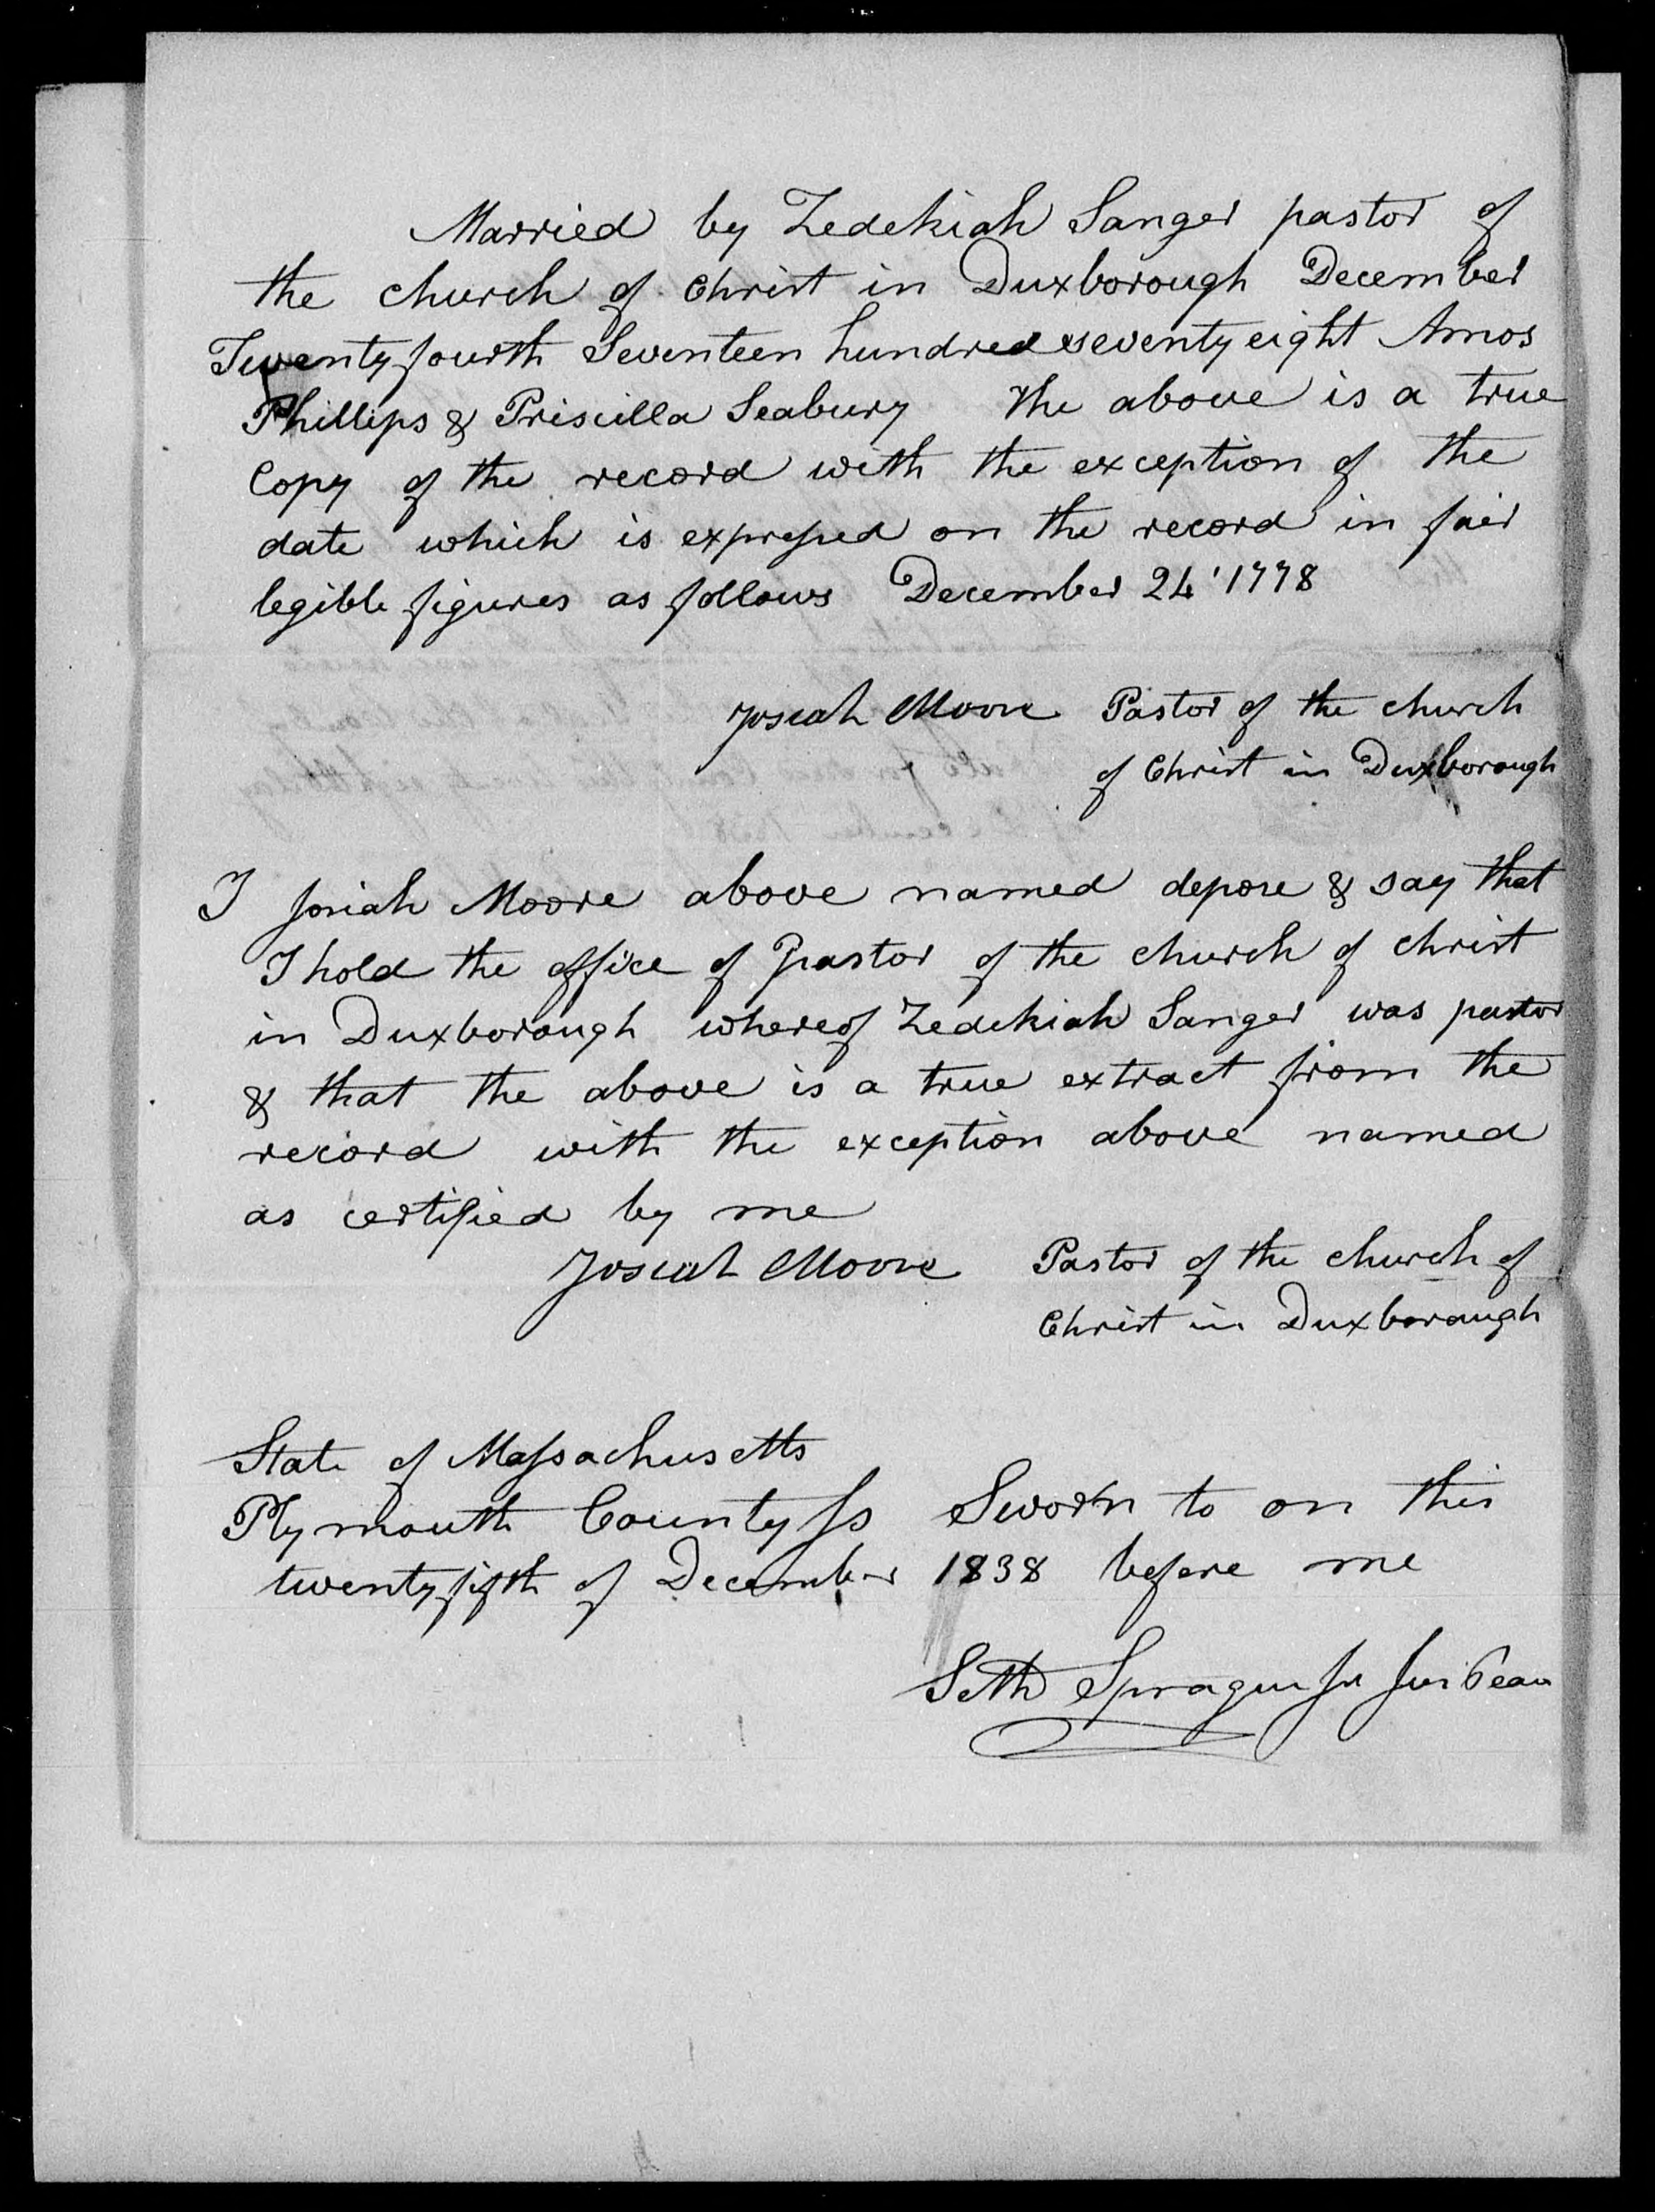Married by Zedekiah Sanger pastor of
the church of Christ in Duxborough December
Twenty fourth Seventeen hundred seventy eight Amos Phillips & Priscilla Seabury The above is a true copy of the record with the exception of the date which is expressed on the record in fair legible figures as follows
December 24, 1778 Josiah Moore Pastor of the church of Christ in Duxborough
I Josiah Moore above named depose & say that I hold the office of Pastor of the church of Christ in Duxborough whereof Zedekiah Sanger was pastor & that the above is a true extract from the record with the exception above named as certified by me Josiah Moore Pastor of the church of Christ in Duxborough State of Massachusetts Plymouth County ss Sworn to on this twenty fifth of December 1838 before me
Seth Sprague Jr Jus Peace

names: Amos Phillips; Josiah Moore; Priscilla Seabury; Zedekiah Sanger; Seth Sprague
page: 5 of 26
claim: widow's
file: W. 26,886, for Amos Phillips, Massachusetts